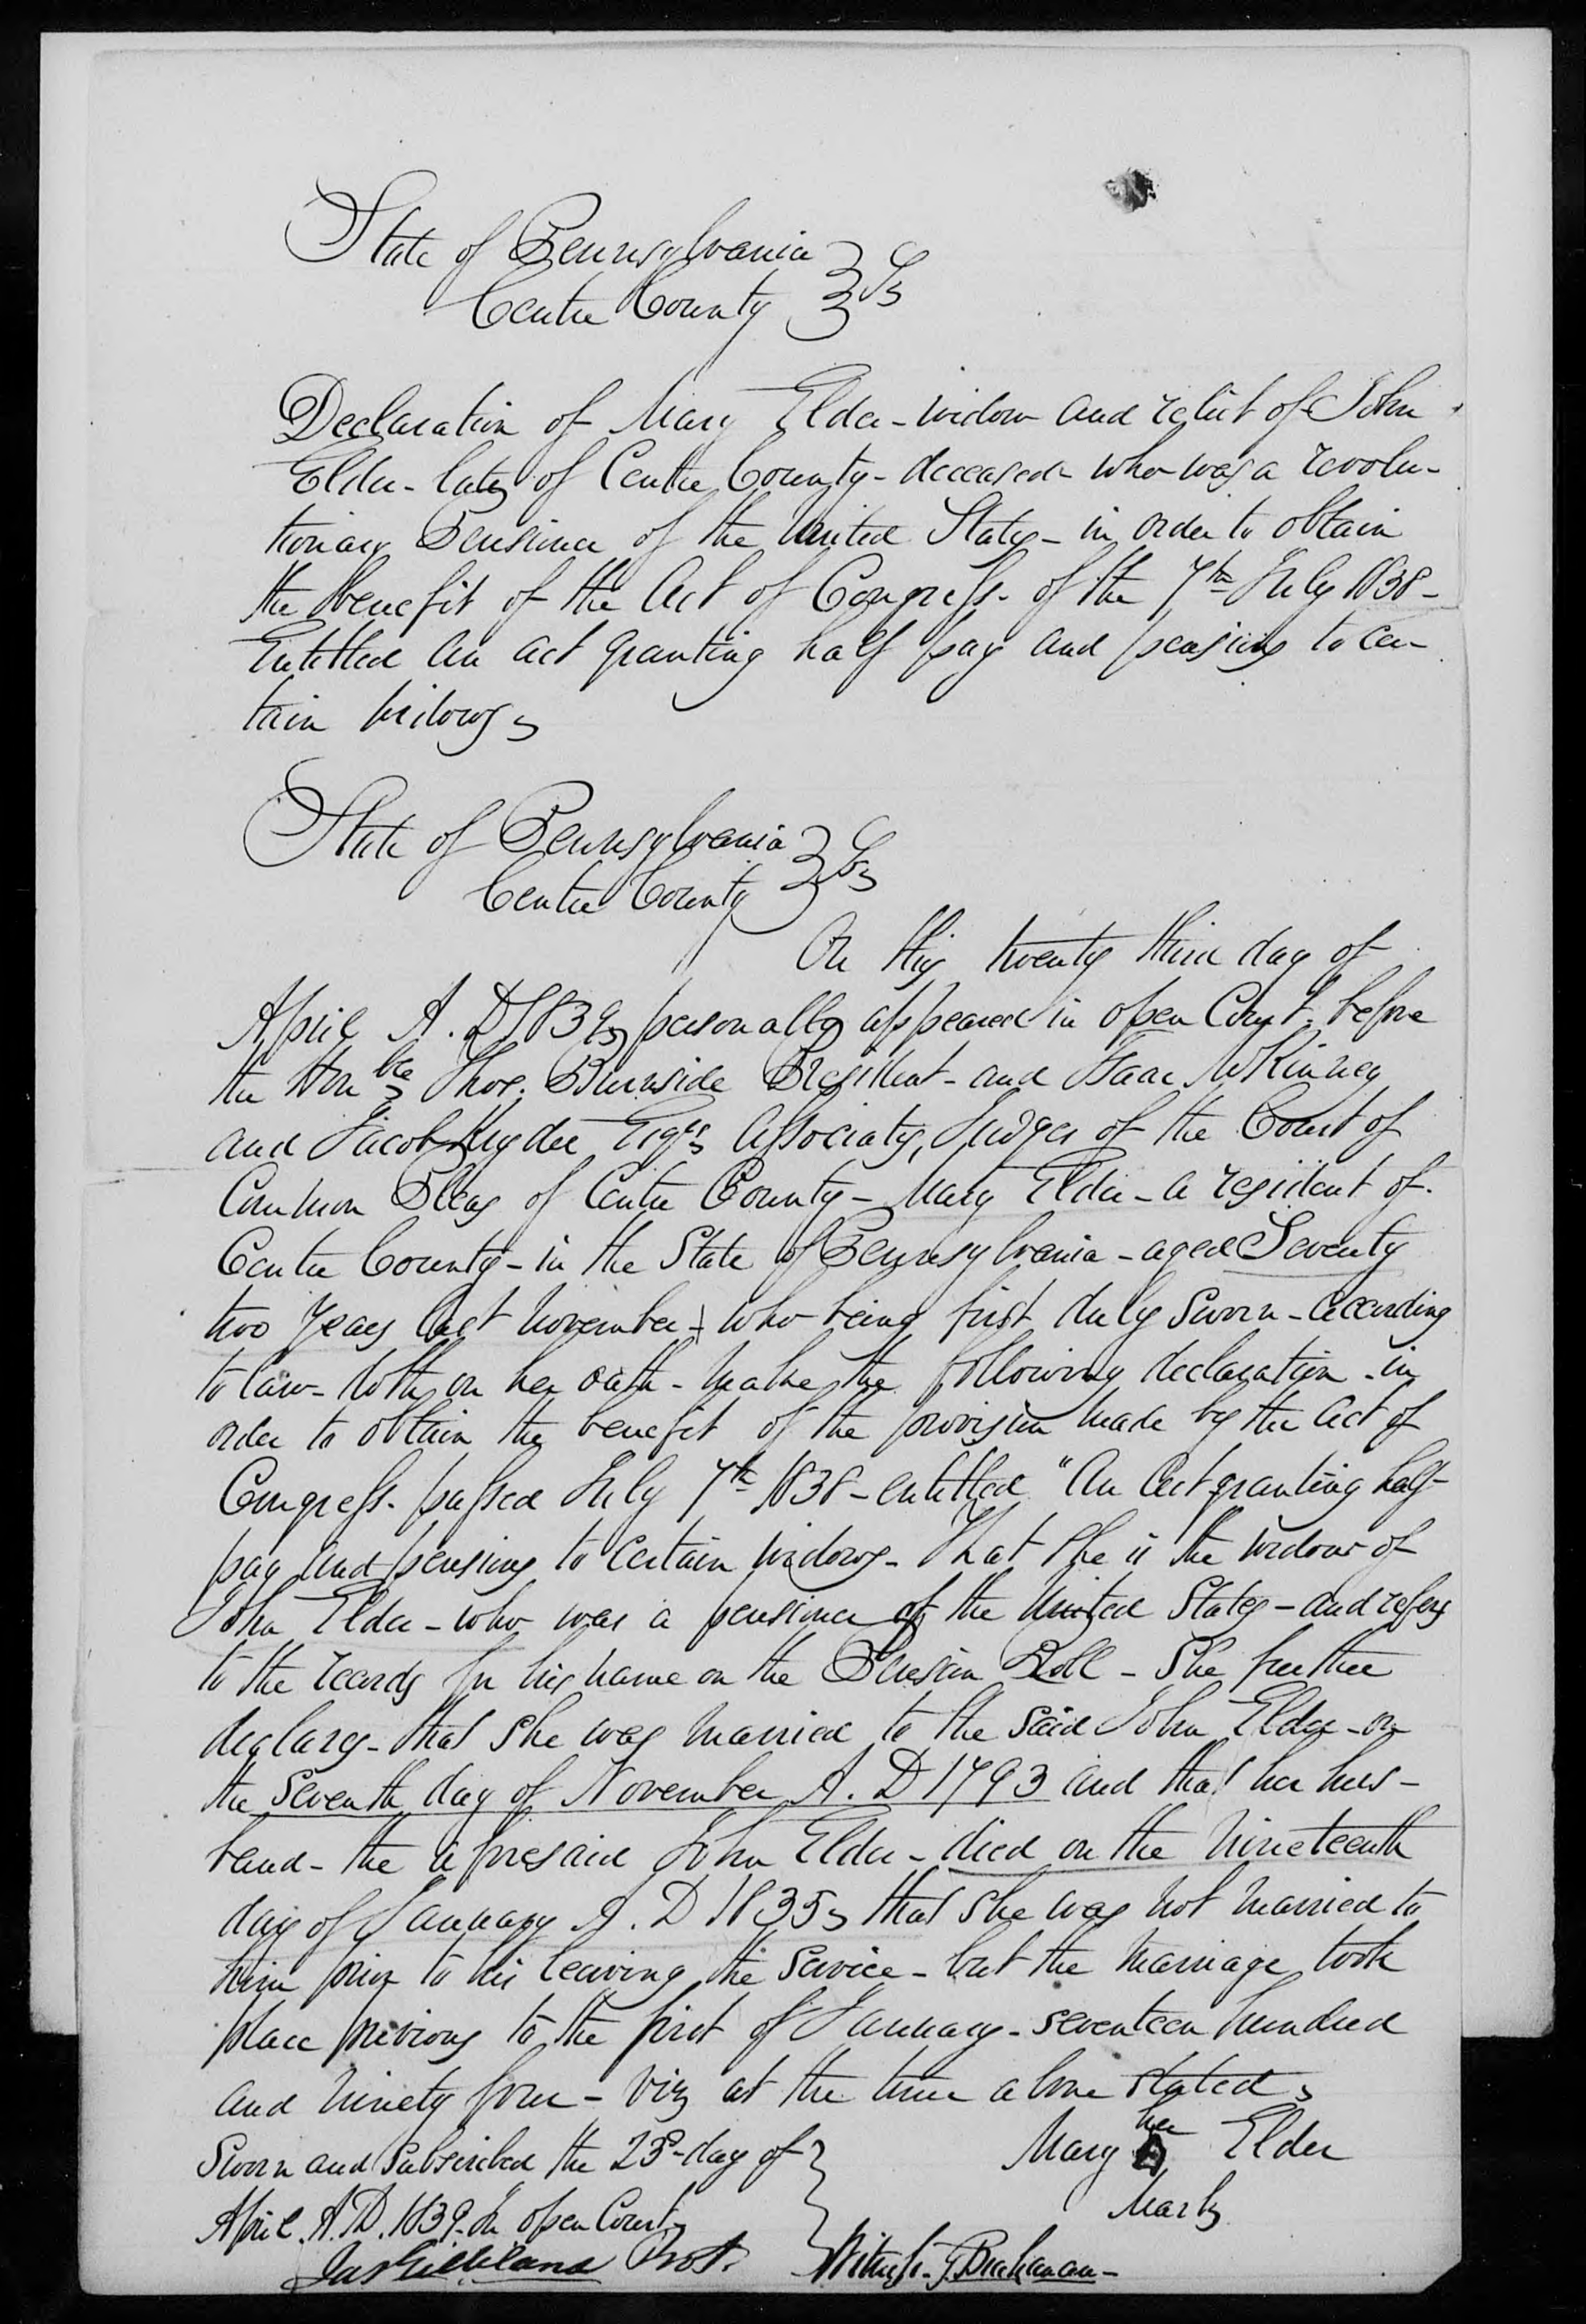State  of Pennsylvania
Centre County
Declaration of Mary Elder-widow and [illegible] of John Elder late of Centre County -deceased- who was a revolutionary Pensioner of the United States- in order to obtain the benefit of the Act of Congress of the 4th July 1838 - Entitled An Act granting half pay and pensions to certain widows.
State of Pennsylvania
Centre County
On this twenty third day of April A.D.1839 personally appeared in open Court, before the Honorable Thos Burnside, Presiant - Isaac W Kinney and Jacob Ryder Esq Associates, lawyer of the Court of Common Please of Centre County -in the State of Pennsylvania aged Seventy two years last November - who being first duly sworn according to law - doth on her oath - hath the following declaration in order to obtain the benefit of the provision made by the Act of Congress passed July 4th 1838 entitled "An Act granting half pay and pensions to certain widows- that she is the widow of John Elder - who was a pensioner of the United States - and refers to the records in his name on the Pension Roll. She further declares that she was married to the said John Elder on the seventh day of November A.D> 1793 and that her husband the aforesaid John Elder died on the nineteenth day of January A.D. 1835 that she was not married to him prior to his leaving the service - but the marriage took place previous to the first of January seventeen hundred and ninety four - Via at the time alone stated.
Mary (her X Mark) Elder
Sworn and Subscribed the 23rd day of April A.D. 1839 in open Court
Jas Gilliland, Protonotary, Nikolas G Buchannan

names: John Elder, G Buchanan, John Elder, Mary Elder, Mary Elder, Jas Gilliland, Thos Burnside, Mary Elder, Isaac Mc Kinney, Jacob Kryder, John Elder, John Elder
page: 33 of 80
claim: widow's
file: W. 24117, John Elder, Penn.